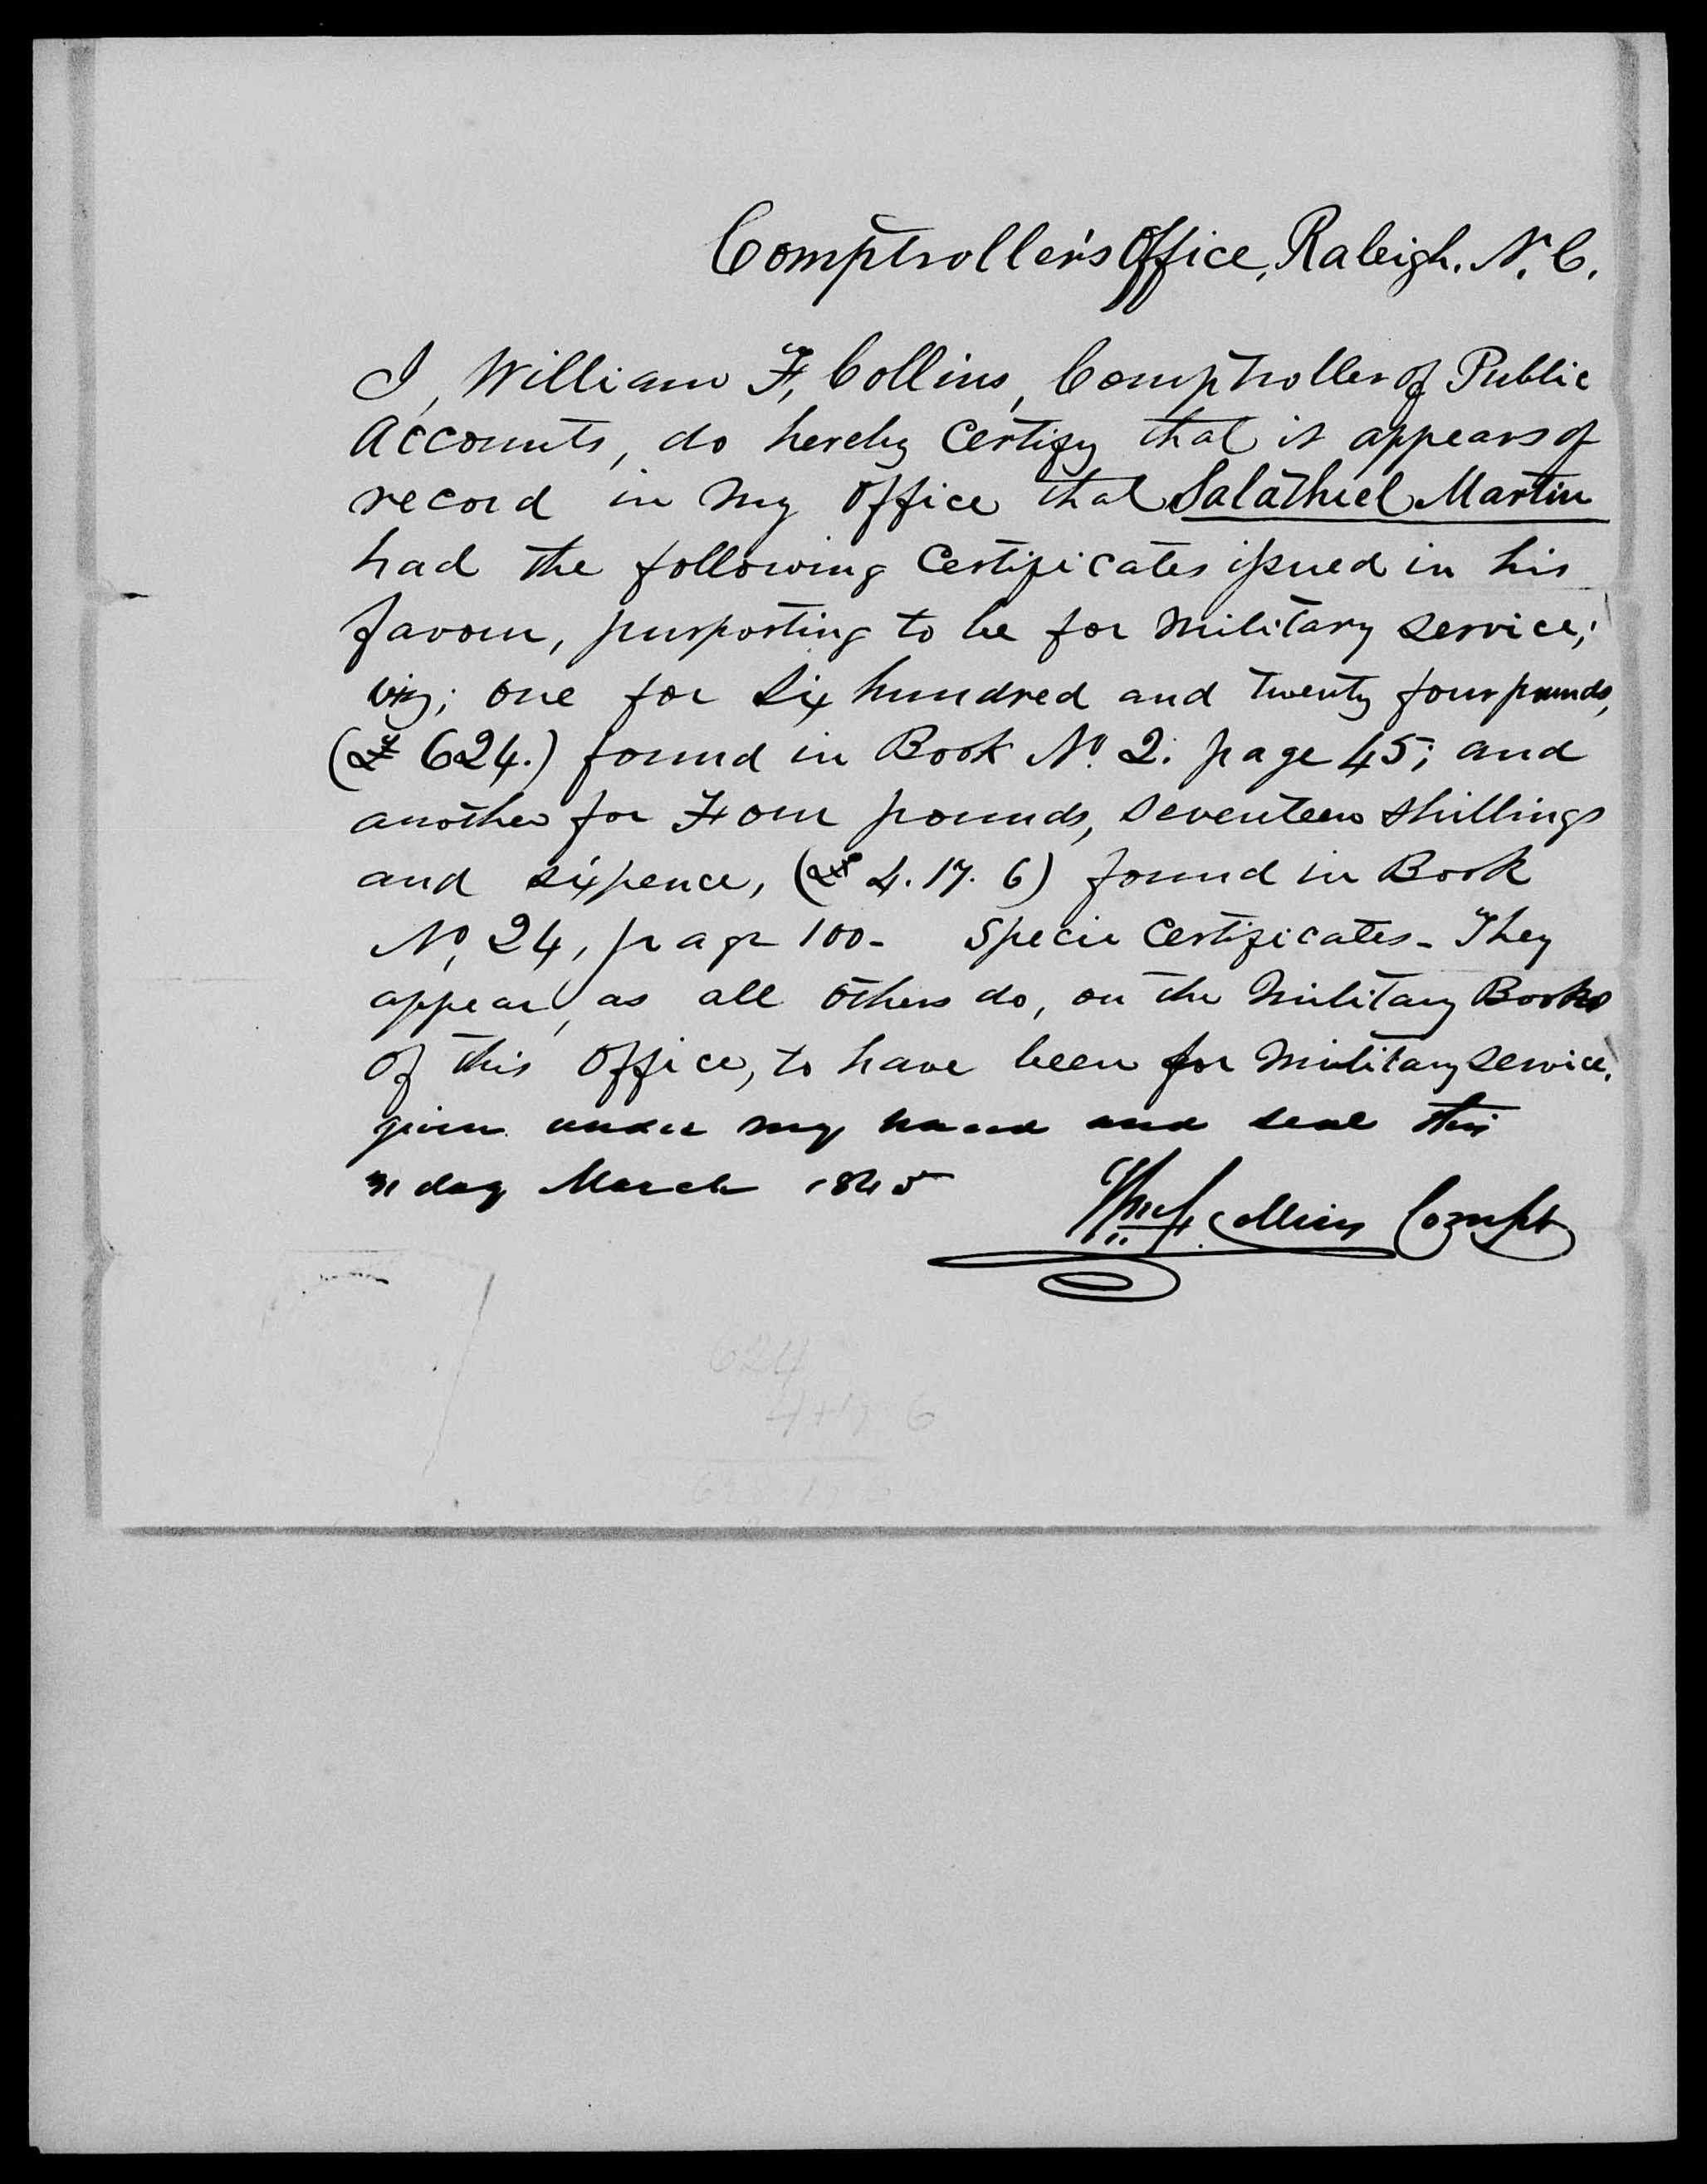Comptroller's Office, Raleigh N.C

I, William F. Collins, Comptroller of Public
Accounts, do hereby certify that it appears of
record in my office that Salathiel Martin
had the following certificates issued in his
favour [favor], purporting to be for military service;
viz; one for six hundred and twenty four pounds,
(£624) found in Book No 2. page 45; and
another for Four pounds, seventeen shillings
and sixpence, (£4.17.6) found in Book
No 24, page 100. Specie certificates. They
appear, as all others do, on the Military Books
of this office, to have been for Military service,
given under my hand and seal this
day March 1845
Wm. F. Collins Compt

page: 84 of 120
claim: widow's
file: W. 1044, for Salathiel Martin, North Carolina